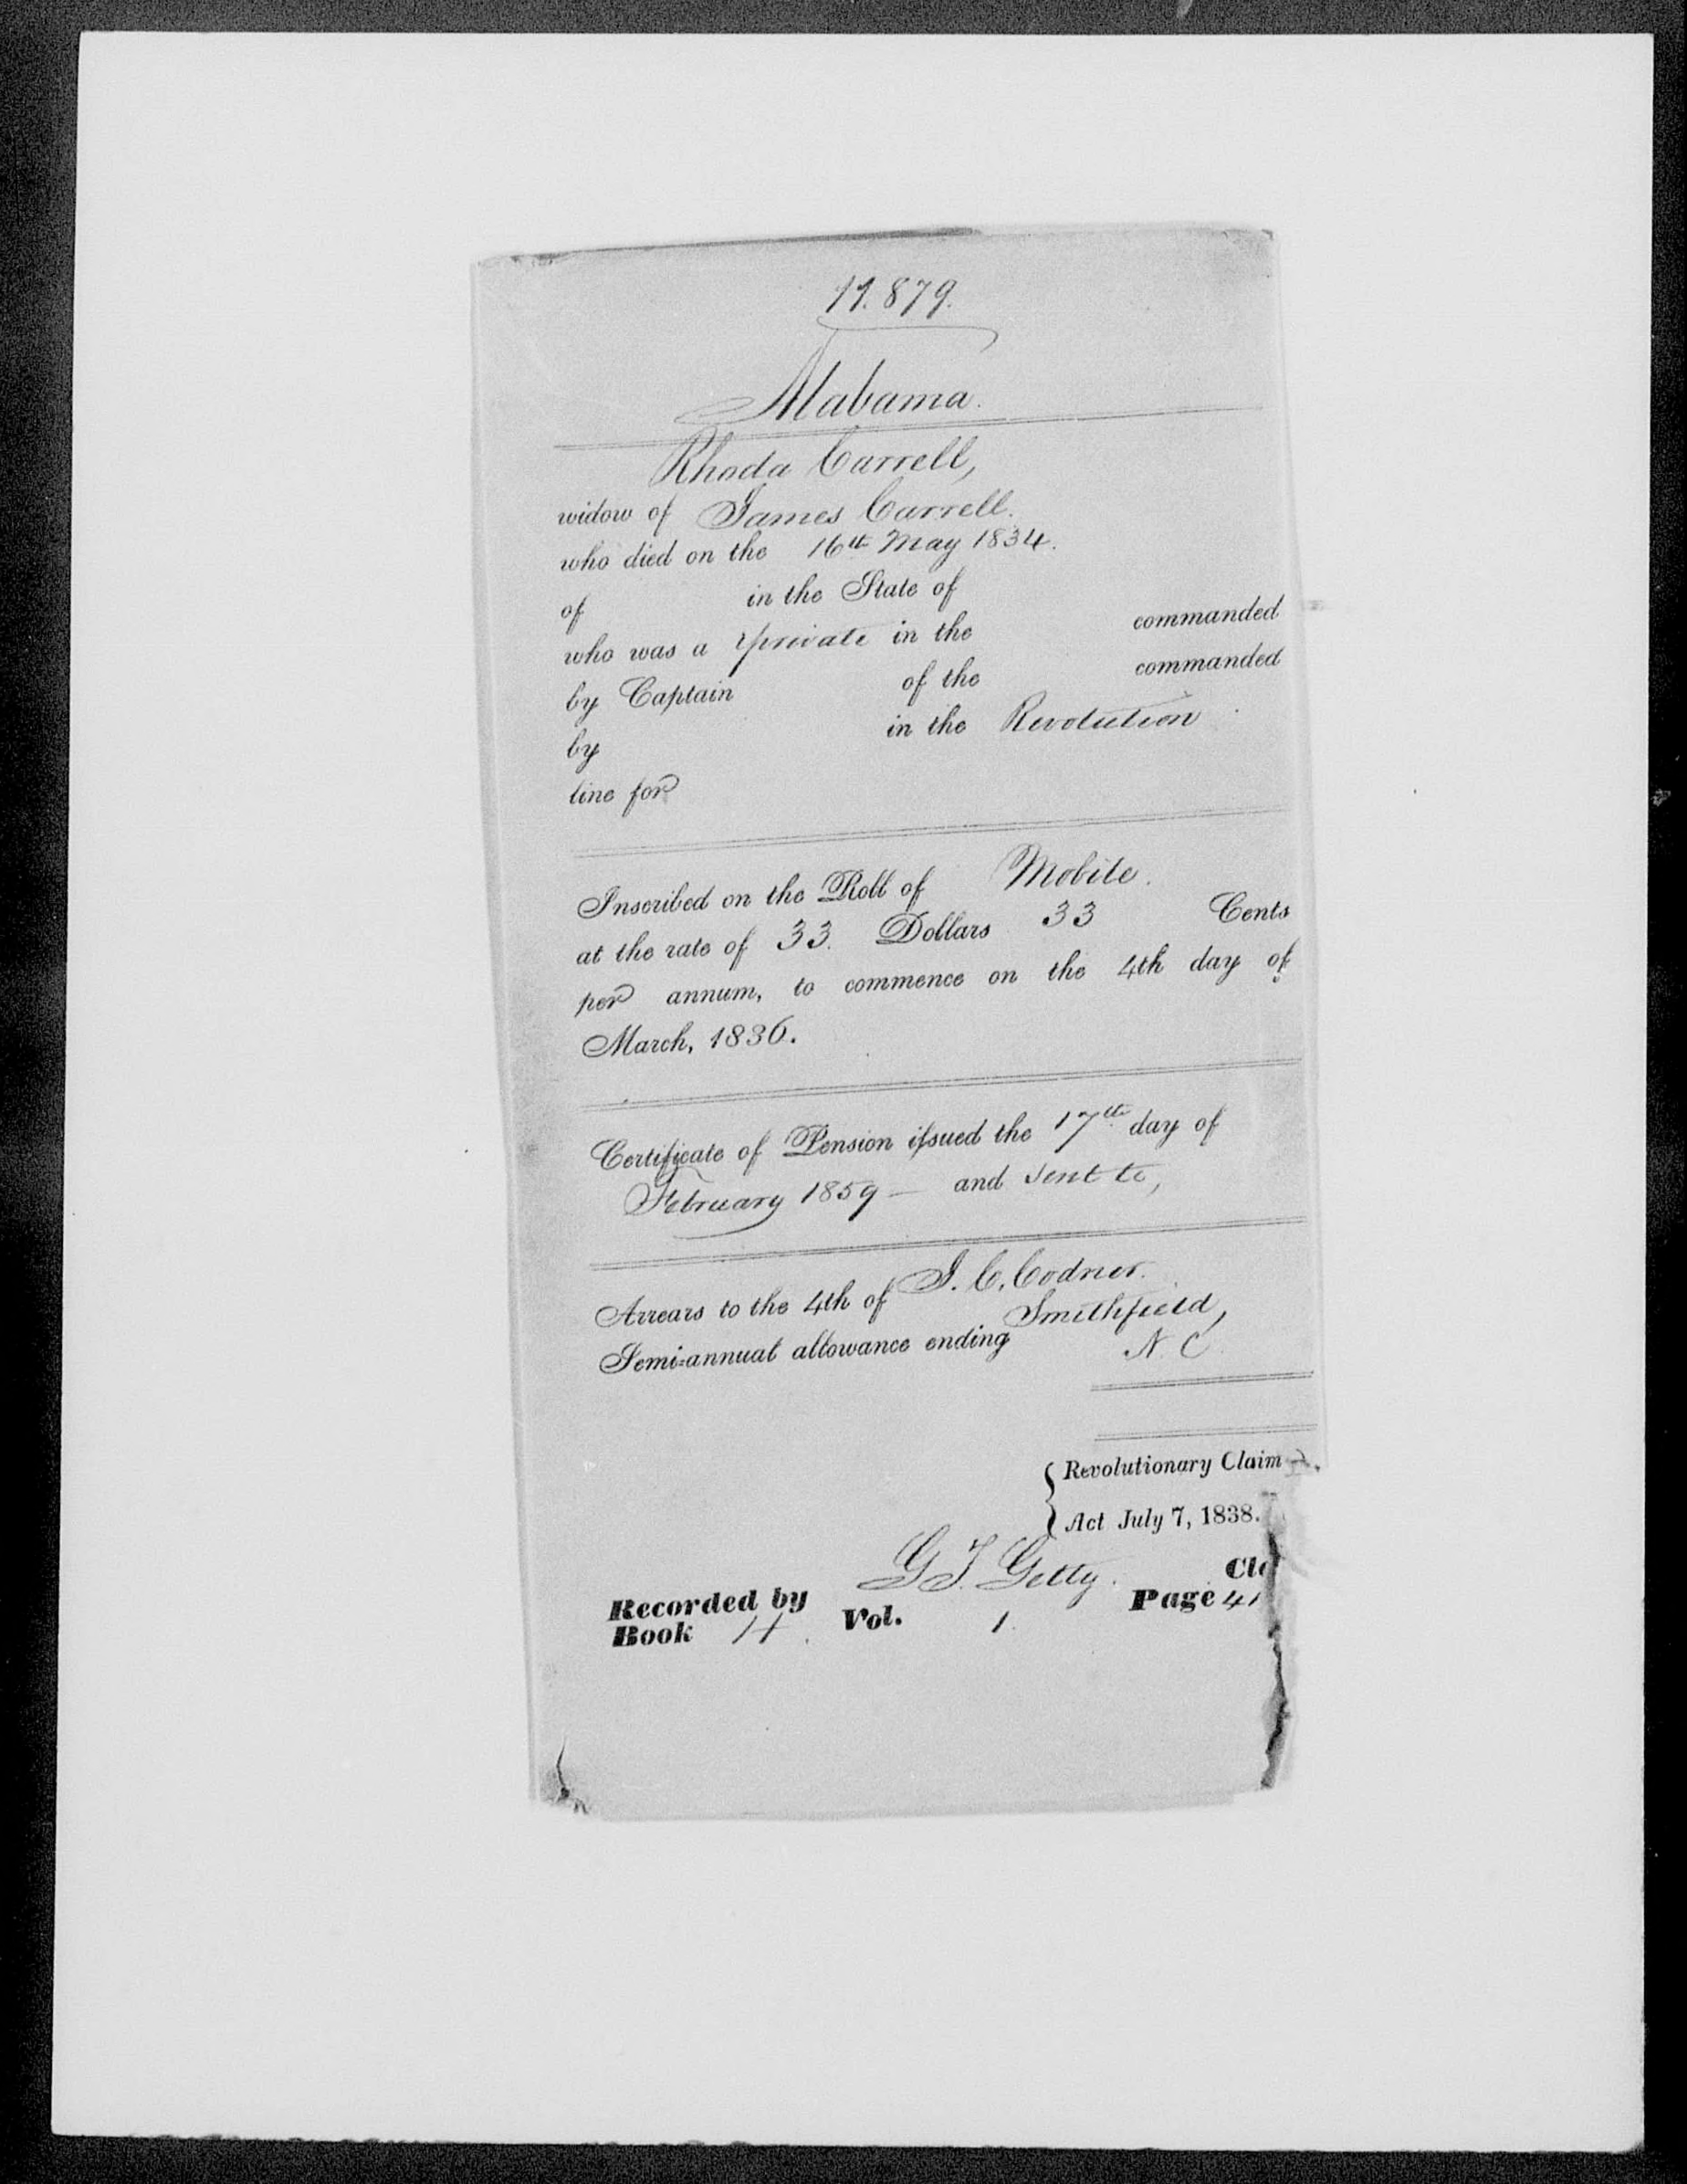11.879
Alabama
Rhoda Carrell
widow of James Carrell
who died on the 16th May 1834.
of .....in the State of..........
who was a private in the ..........commanded
by Captain.......of the ..........commanded
by............in the Revolution
line for ...........

Inscribed on the Roll of Mobile
at the rate of 33 Dollars 33 Cents
per annum, to commence on the 4th day of 
March ,1836

Certificate of pension issued the 17th day of
February 1859 and sent to,

Arrears to the4th of   S. C. Codner
Semi-annual allowance ending      Smithfield NC

{Revolutionary Claim, Act July 7, 1838}
Recorded by G. T. Getty Clerk
Book H  Vol 1 Page 41[remainder of page torn off]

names: G T Getty, James Carrell, Rhoda Carrell, J C Codner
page: 35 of 86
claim: widow's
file: W. 6899, James Carrell, N.C.